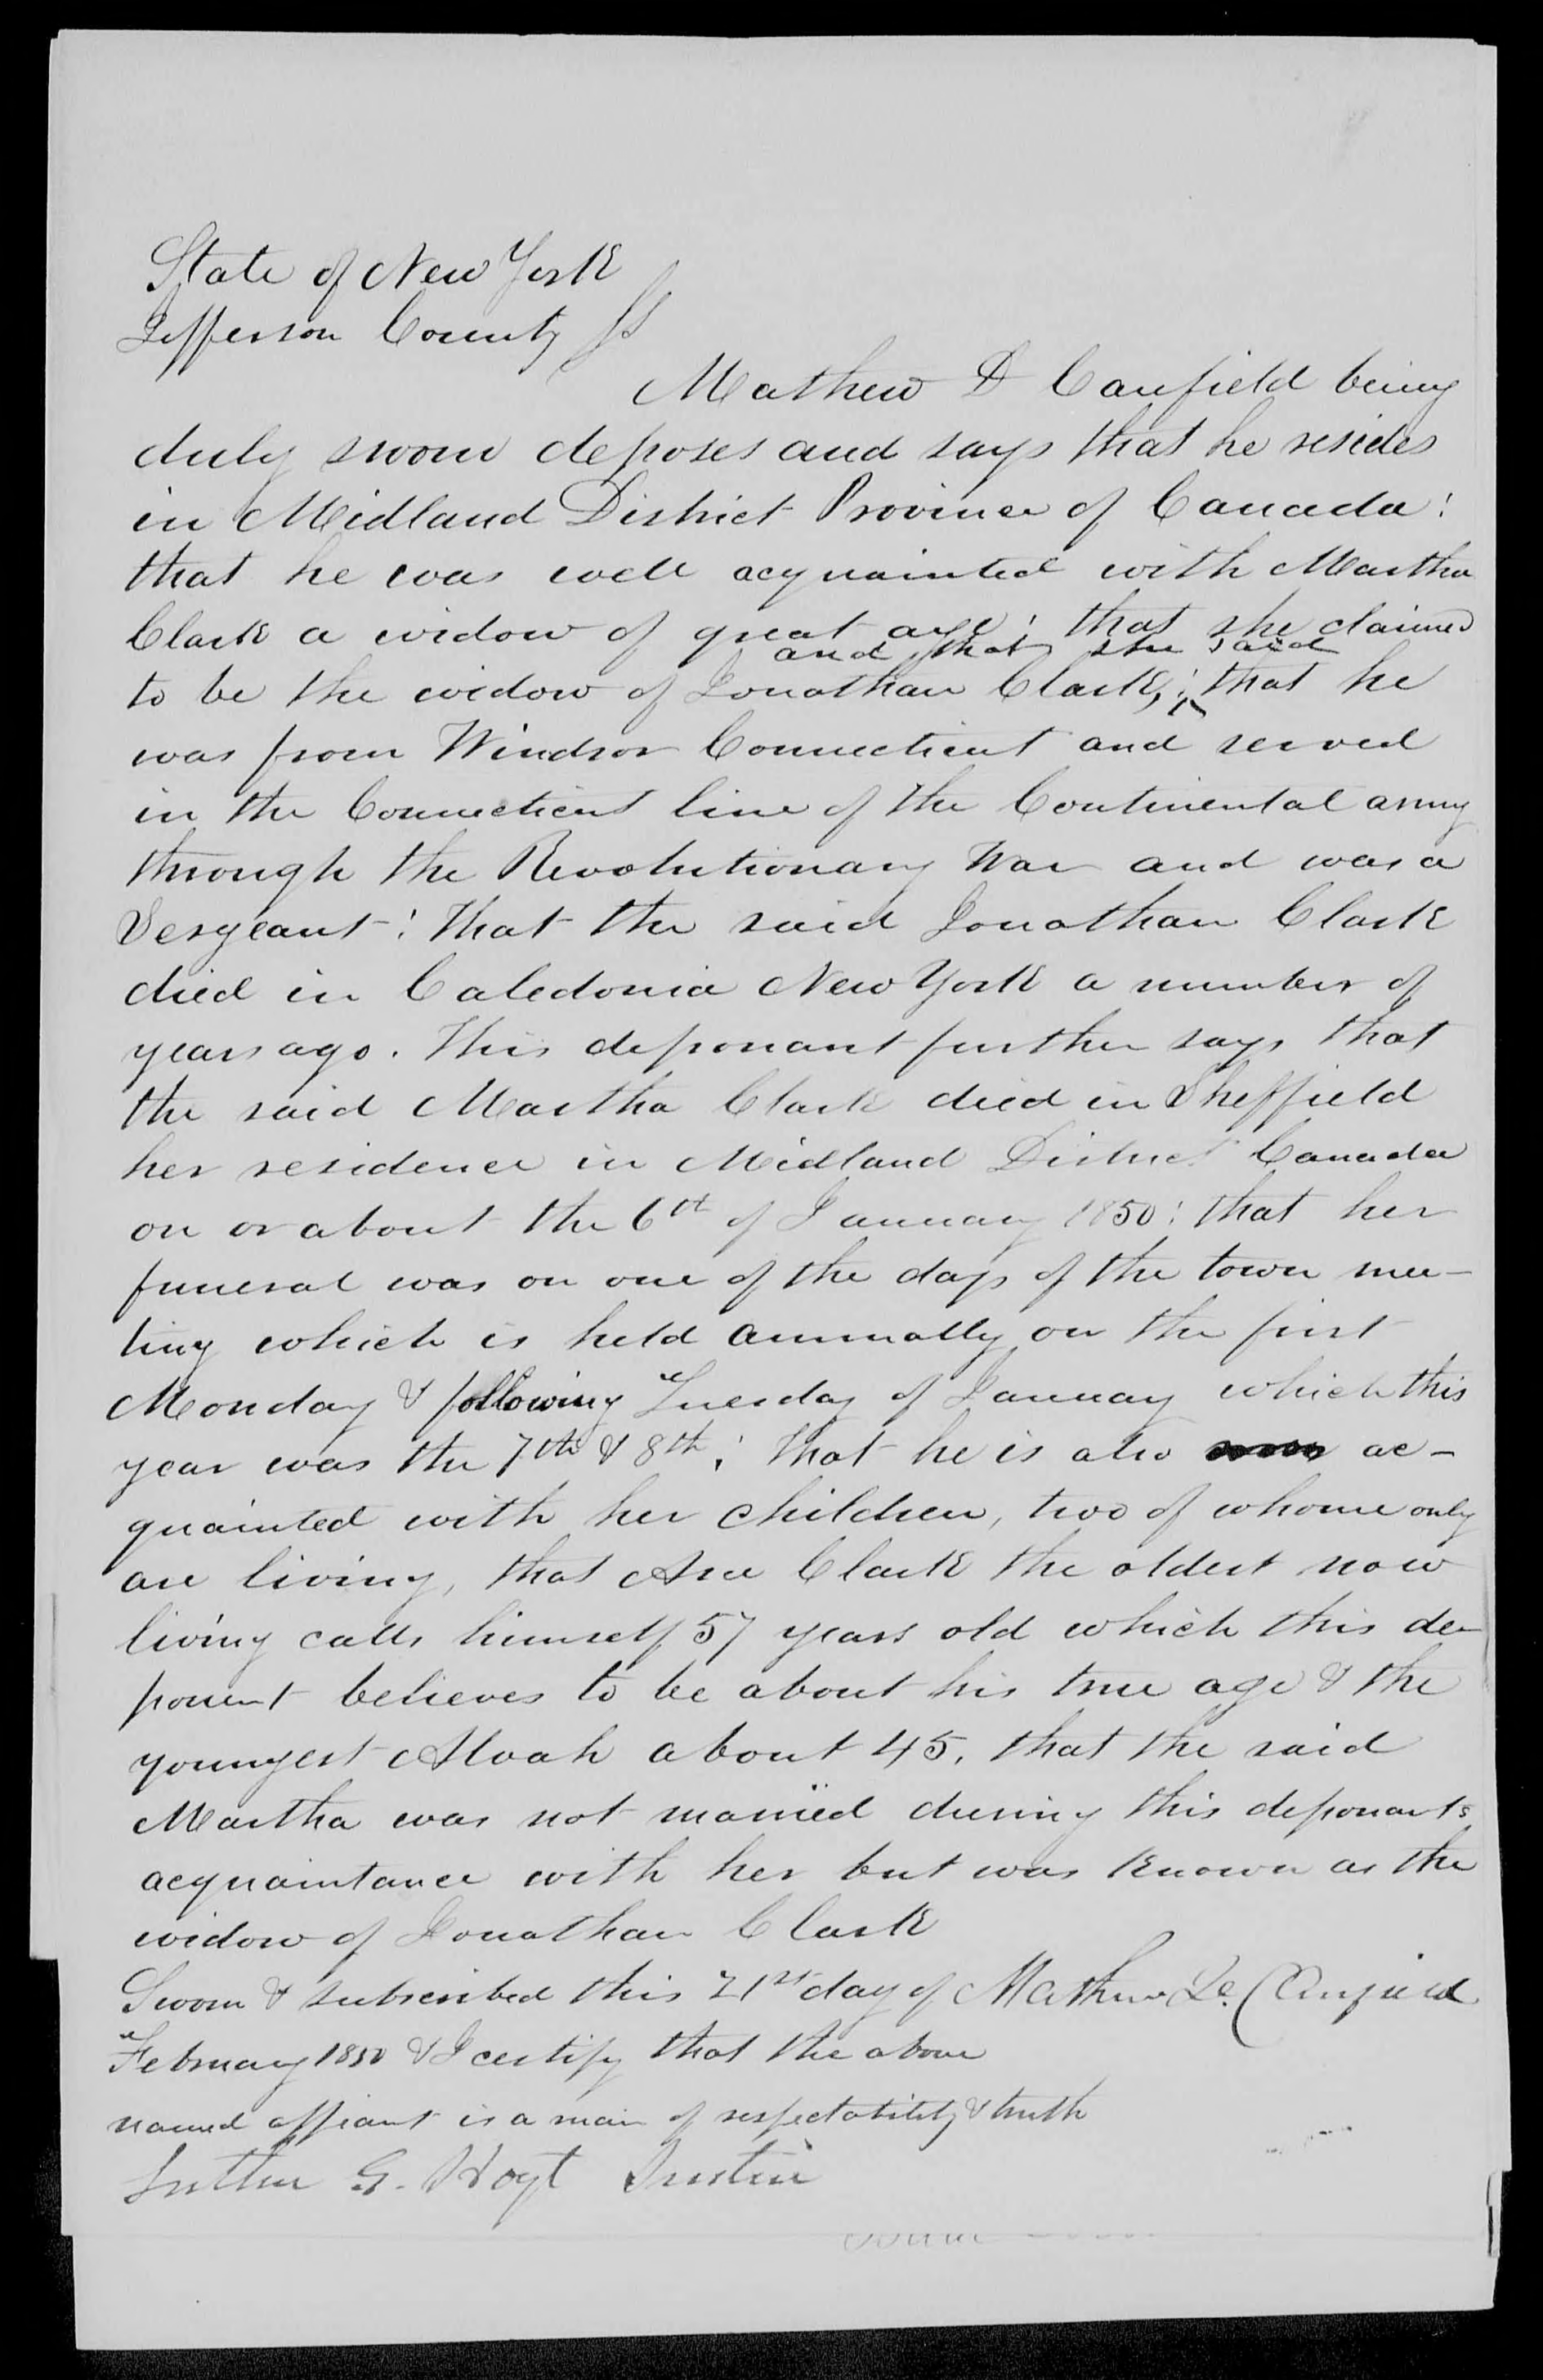State of New York
Jefferson Couty Ss
Mathew D. Canfield being duly sworn deposes and says that he resides in Midland District Province of Canada: that he was well acquainted with Martha Clark a widow of great age, that she claimed to be the widow of Jonathan Clark, and that she said that he was from Windsor Connecticut and served in the Connecticut line of the Continental army through the Revolutionary War and was a Sergeant:  That the said Jonathan Clark died in Caledonia New York a number of years ago.  This deponant further says that the said Martha Clark died in Sheffield her residence in Midland District Canada on or about the 6th of January 1850: that her funeral was on one of the days of the town meeting which is held annually on the first Monday & following Tuesday of January which this year was the 7th & 8th; That he is also acquainted with her children, two of whom only are living, that Asa Clark the oldest now living calls himself 57 years old which this deponent believes to be about his true age & the youngest Alvah about 45, that the said Martha was not married during this deponants acquaintance with her but was known as the widow of Jonathan Clark
Mathew D. Canfield
Sworn & subscribed this 21st day of February 1850 & I certify that the above named affiant is a man of respectability & truth
Luther G. Hoyt Justice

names: Mathew D Canfield, Jonathan Clark, Mathew D Canfield, Martha Clark, Martha Clark, Jonathan Clark, Jonathan Clark, Luther G Hoyt, Martha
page: 18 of 26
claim: rejected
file: R. 2001, Jonathan Clark, Conn.